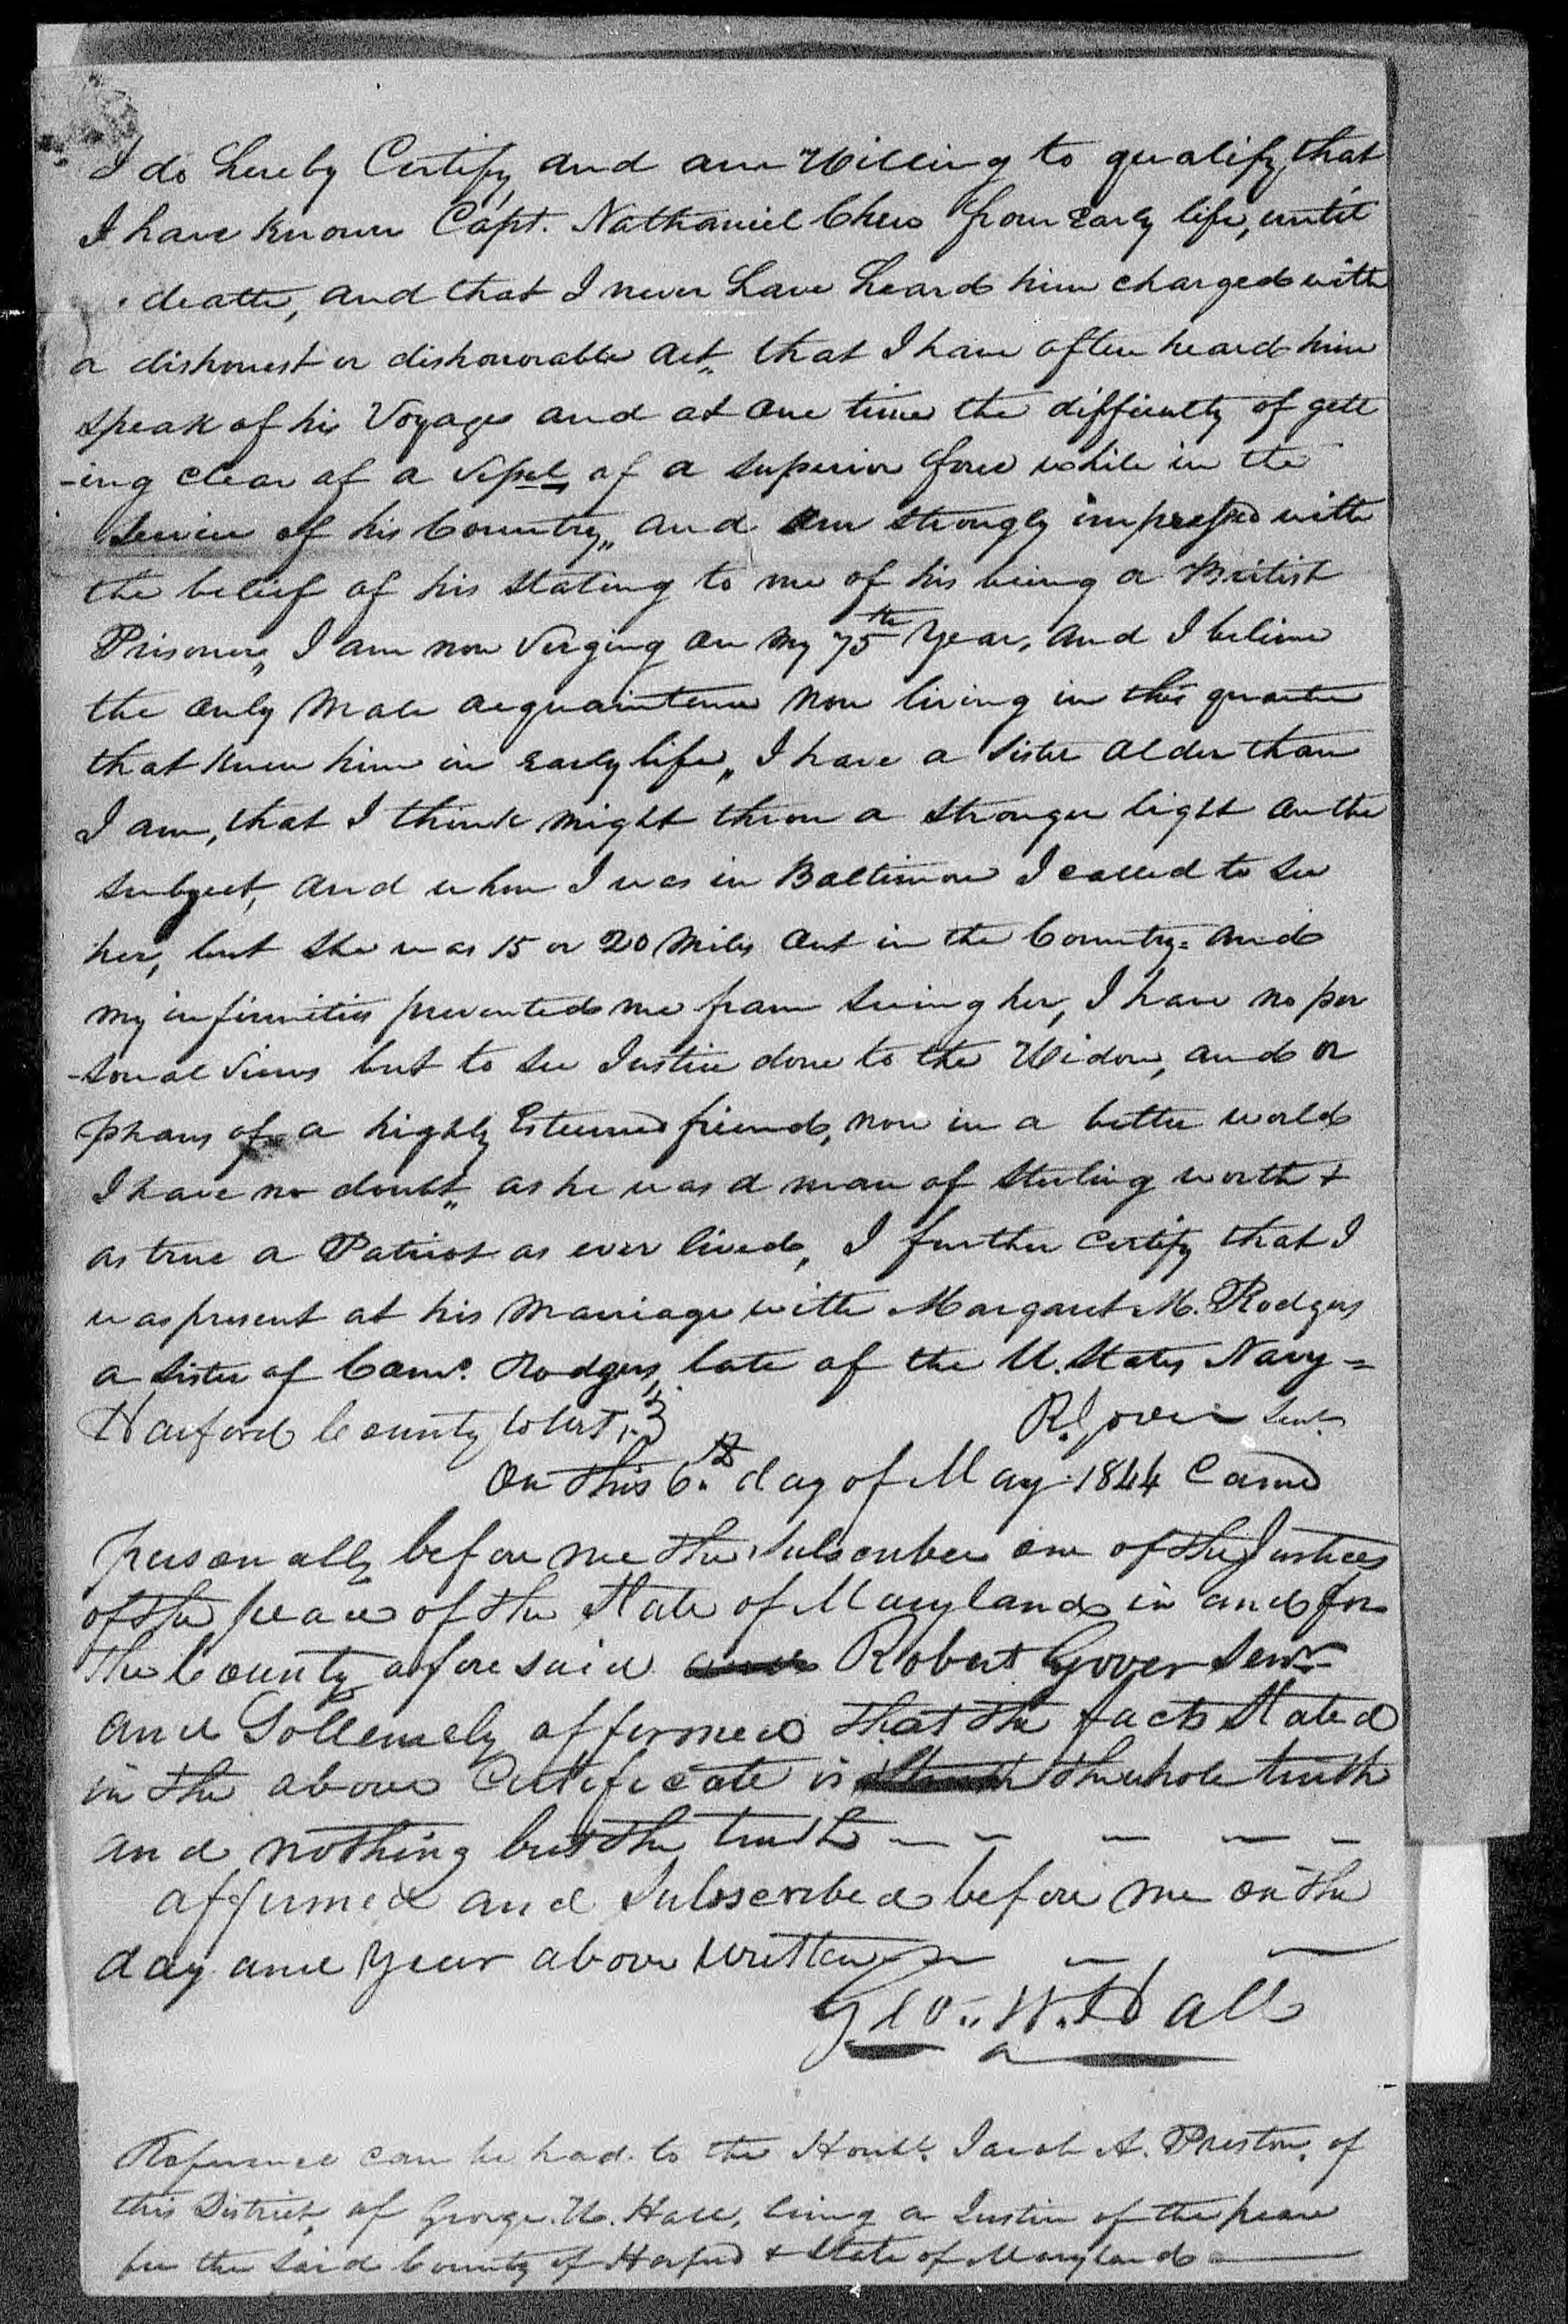I do here by Certify, and am Willing to qualify that I have known Capt. Nathaniel Chew from early life, until death, and that I never have heard him charged with a dishonest or dishonorable act, that I have often heard him 
speak of his voyage and at one time the difficulty of getting clear of a vessel of a superior force while in the service of his country, and am strongly impressed with
the belief of his stating to me of his being a British prisoner. I am now verging on my 75th year, and I believe the only male acquaintance now living in this quarter that knew him in early life. I have a sister older than I am, that I think might throw a stronger light on the 
subject, and when I was in Baltimore I called to see her, but she was 15 or 20 miles out in the country, and my infirmities prevented me from seeing her. I have no personal views but to see justice done to the widow, and as ___ of a highly esteemed friend, now in a better world,
I have no doubt as he was a man of sterling worth and as true a patriot as ever lived. I further certify that I was present at his marriage with Margaret M. Rodgers, a sister of Commodore Rodgers, late of the United States Navy.

Harford County Court,
On this 6th day of May 1844 
Came personally before me the subscriber one of the Justices of the peace of the State of Maryland in and for the County aforesaid [crossed out: and] 
Robert Gover 
and solemnly affirmed that the facts stated
in the above Certificate is the whole truth
and nothing but the truth.

Affirmed and Subscribed before me on the
day and year above written.

Geo. W. Hall

Reference can be had to the Honorable Jacob A. Preston of this District of George W. Hall, being a Justice of the peace for the said County of Harford and State of Maryland.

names: Robert Gover, Jacob A Preston, Nathaniel Chew, R Gover, Corns Rodgers, Margaret M Rodgers, George W Hall, Geo W Hall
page: 7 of 59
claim: widow's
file: W. 9383, Nathaniel Chew, Navy (Md.)